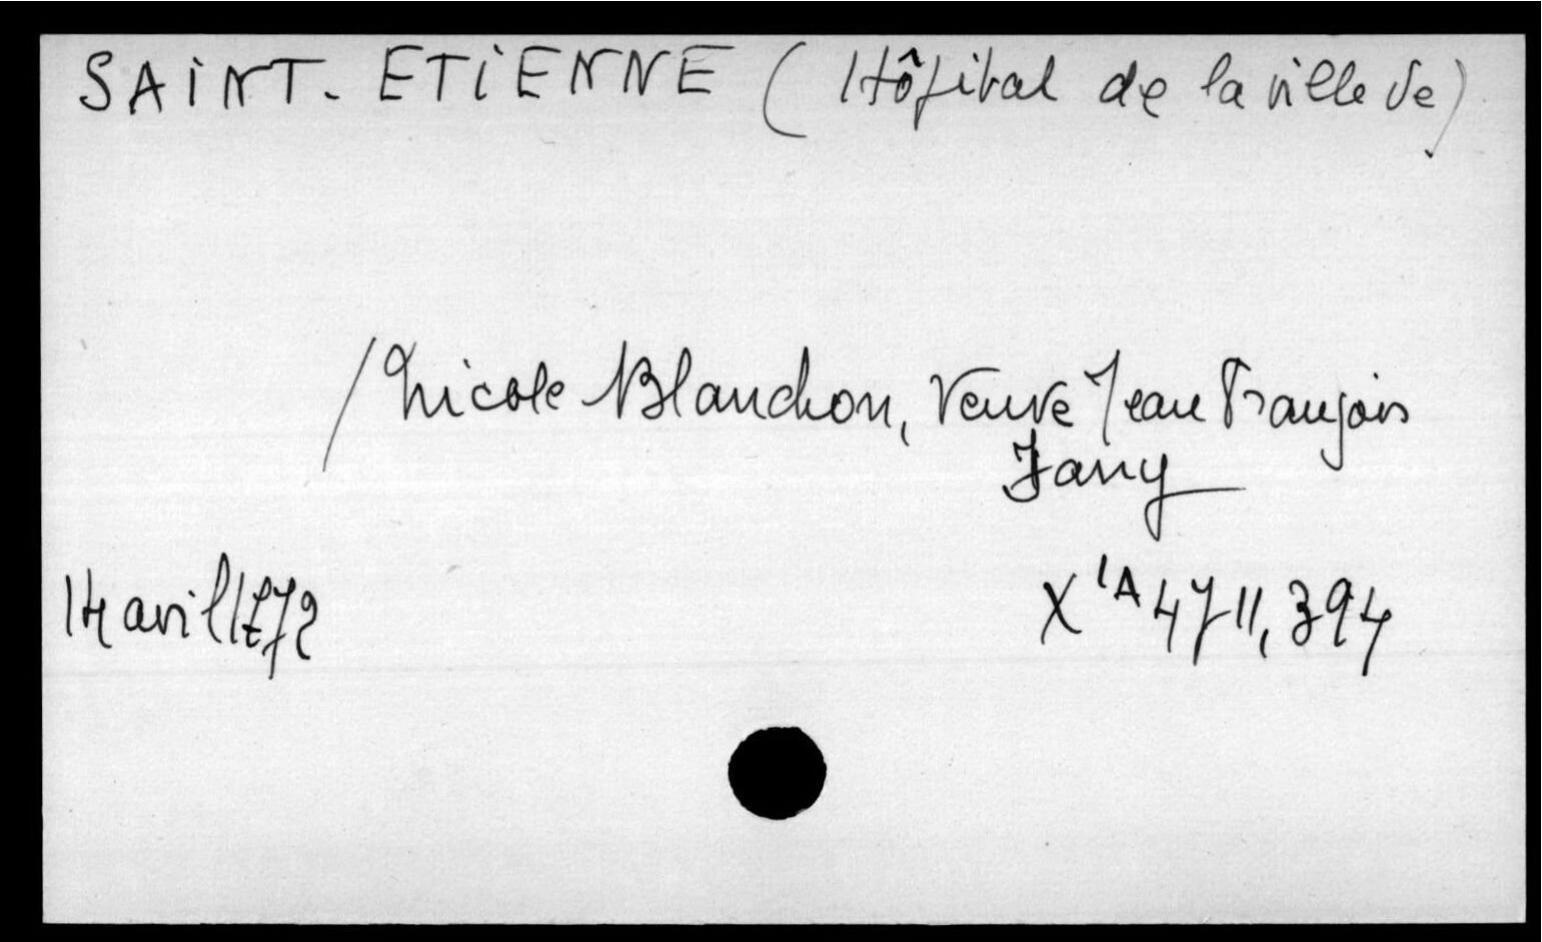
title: SAINT-ÉTIENNE (Hôpital de la ville de)
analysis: Contre Nicole Blanchon, veuve Jean François Jany
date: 14 avril 1772
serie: X1A
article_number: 4711
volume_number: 394
